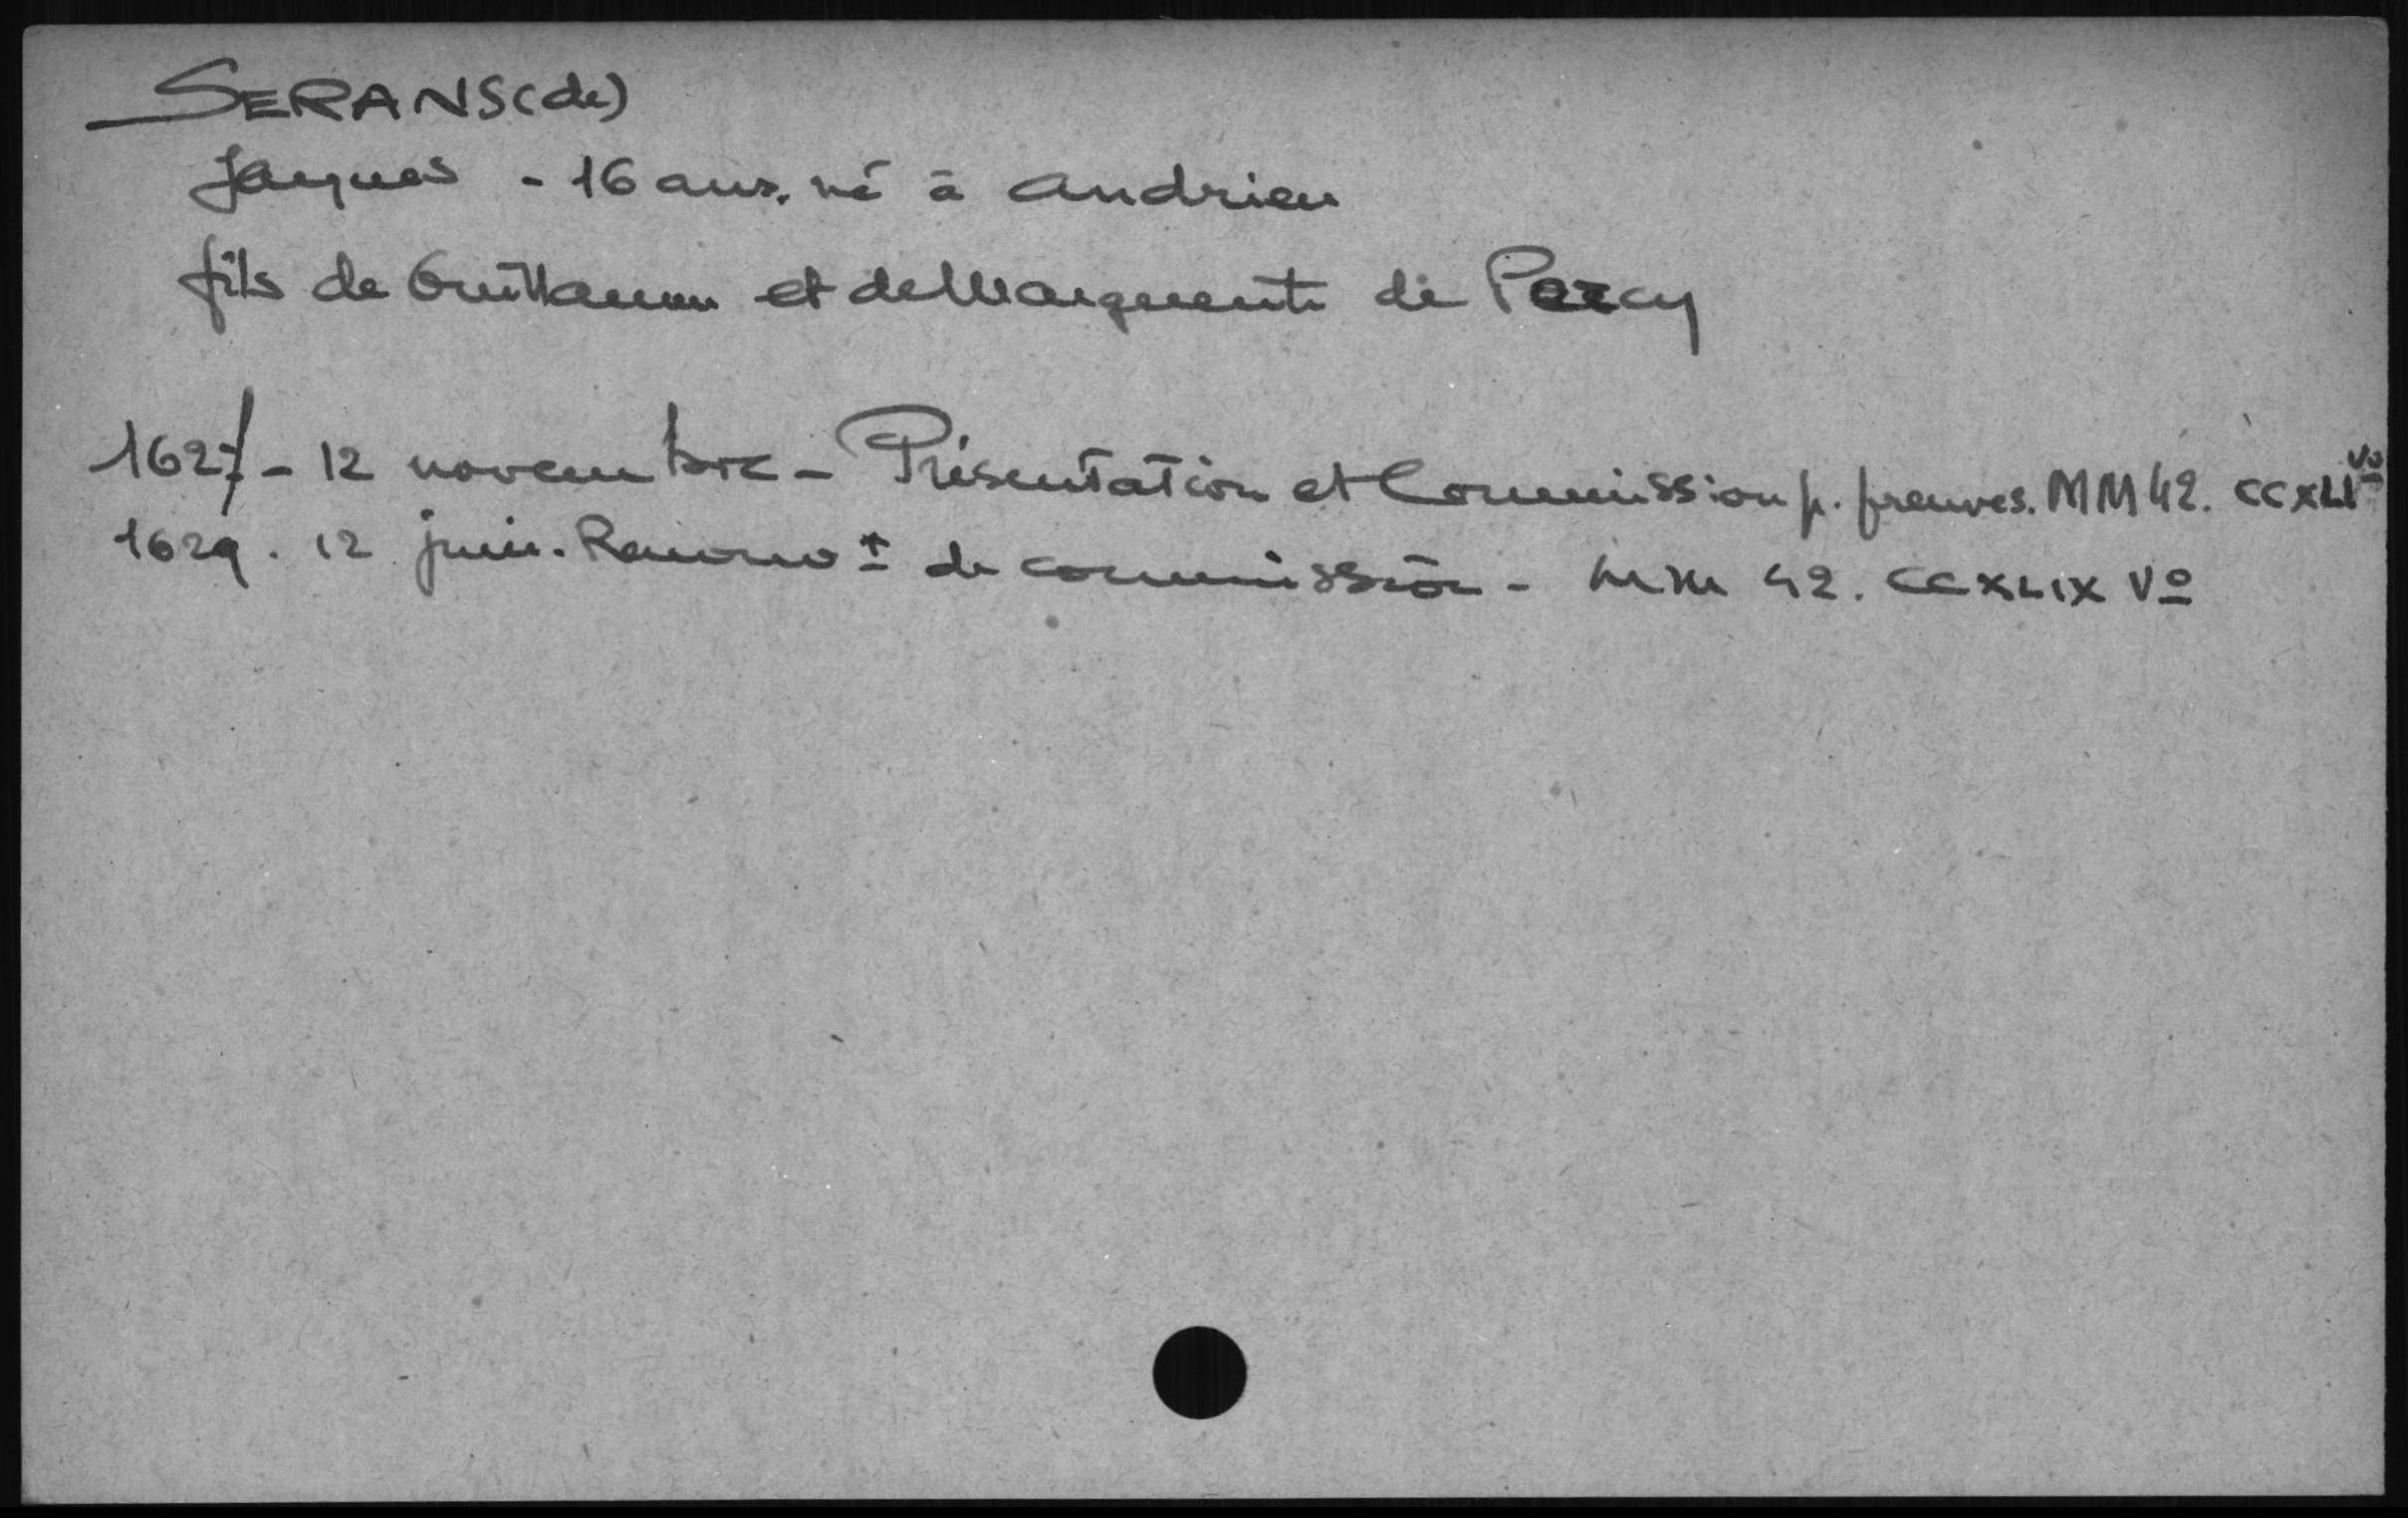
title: SERANS (de), Jacques, 16 ans, né à Andrieu, fils de Guillaume et de Marguerite de Percy
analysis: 1627, 12 novembre. Présentation et commission pour preuves. MM 42, CCXLIv 1629, 12 juin. Renouvellement de commission. MM 42, CCXLIXv
